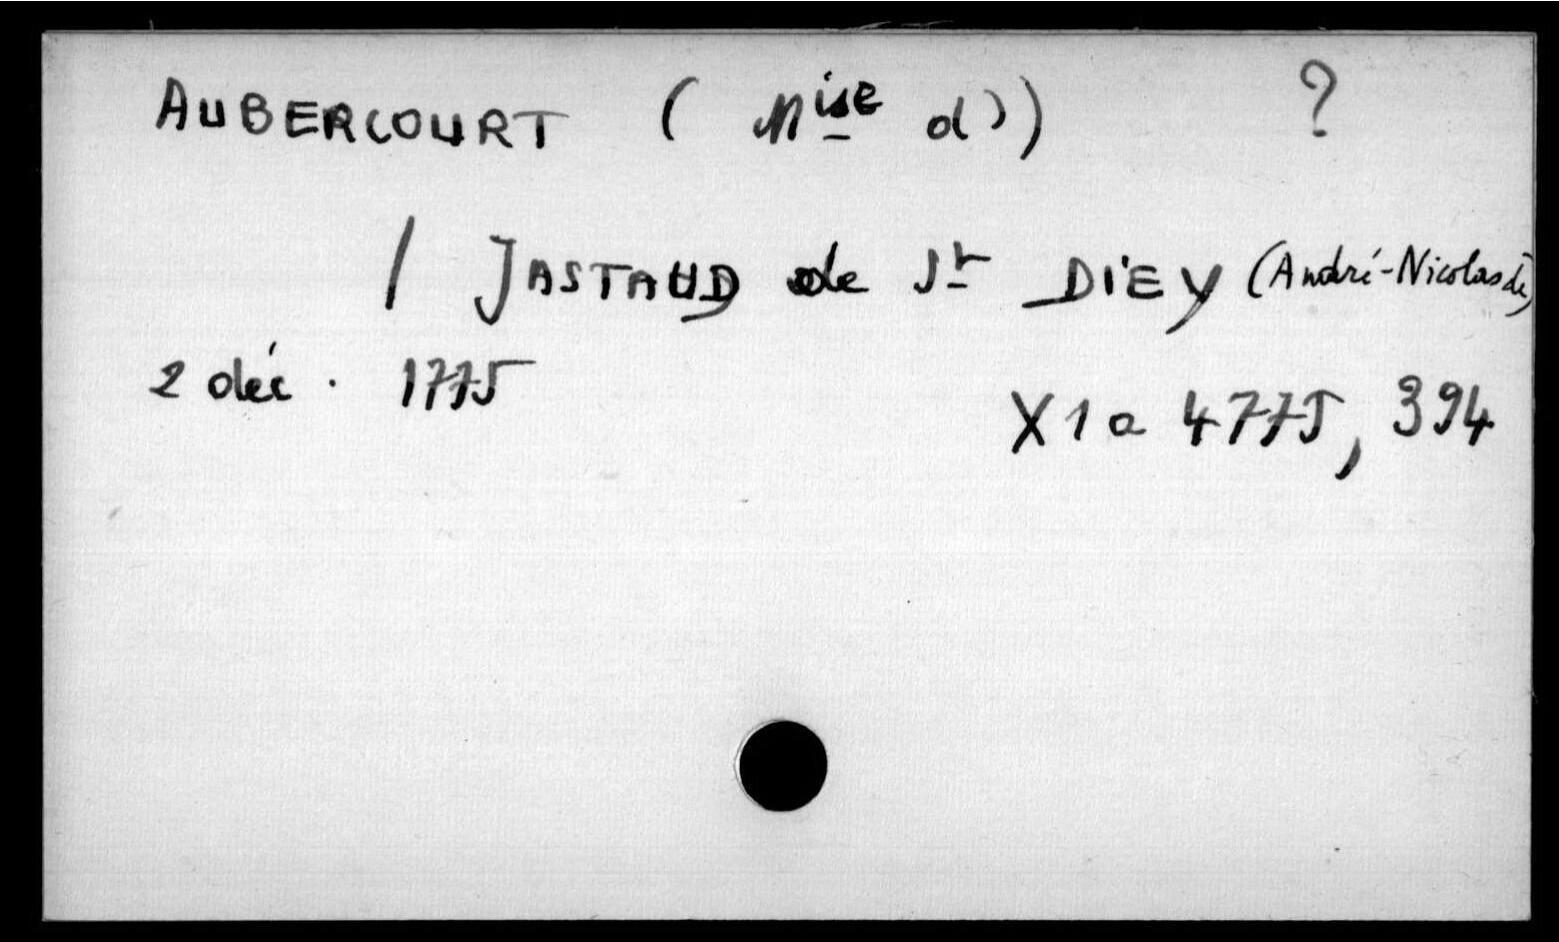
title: AUBERCOURT (marquise d')
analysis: Contre JASTAUD de Saint-DIEY (André-Nicolas de)
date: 2 décembre 1775
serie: X1a
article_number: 4775
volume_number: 394
